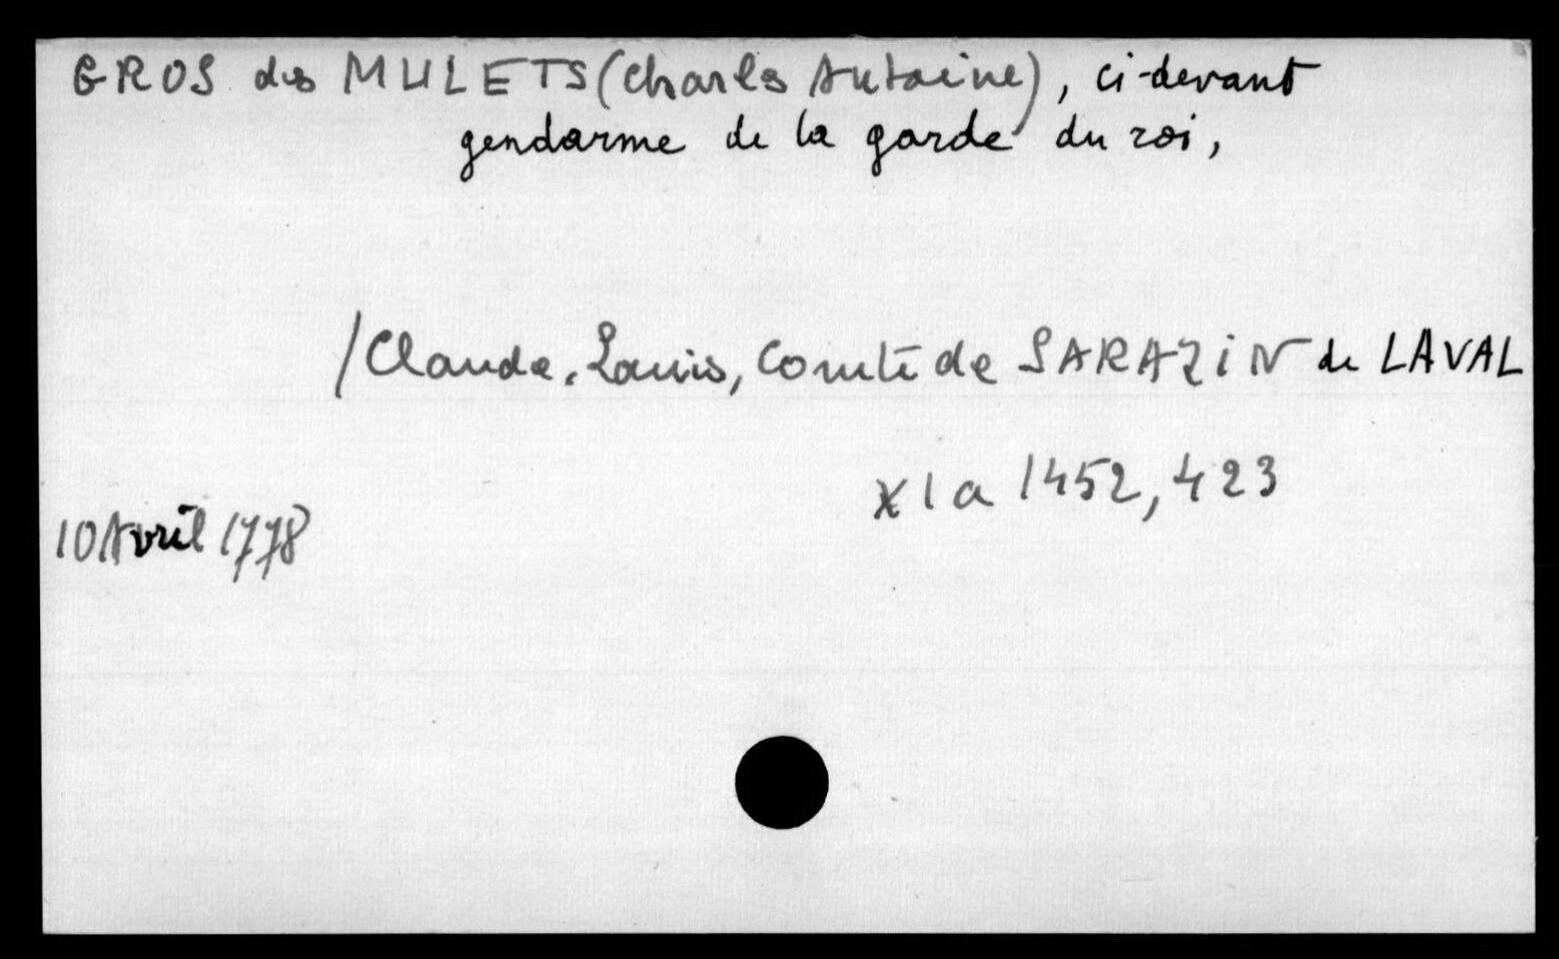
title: GROS des MULETS (Charles Antoine), ci-devant gendarme de la garde du roi
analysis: Contre Claude, Louis, comte de SARAZIN de LAVAL
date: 10 avril 1778
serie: X1a
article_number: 1452
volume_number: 423
